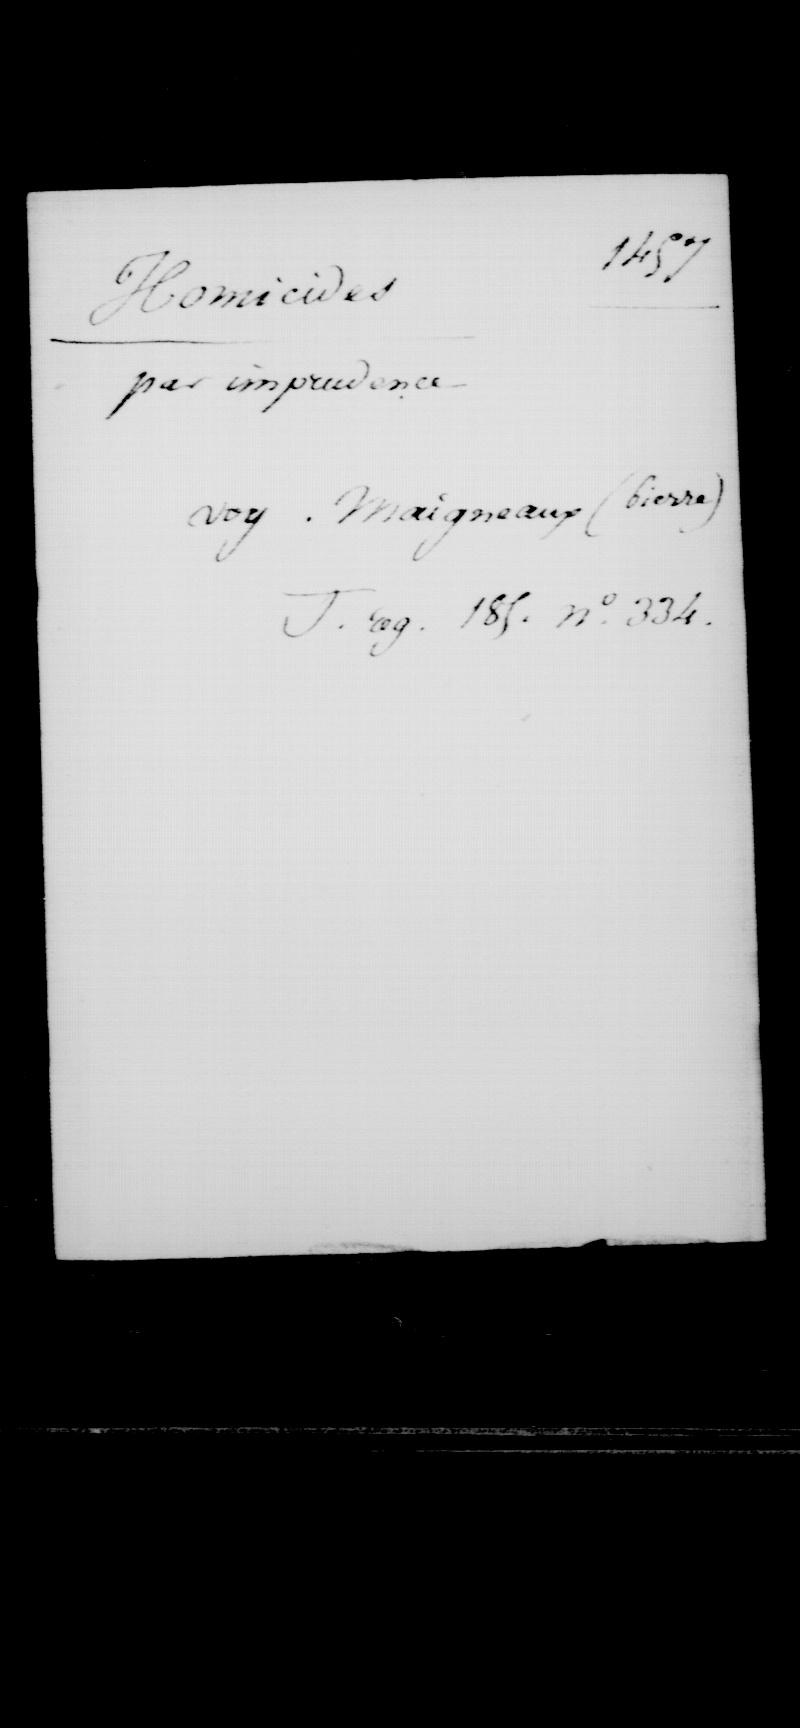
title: Homicide par imprudence
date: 1457
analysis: Voir Maigneaux (Pierre)
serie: J
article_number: reg. 185
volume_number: n° 334
